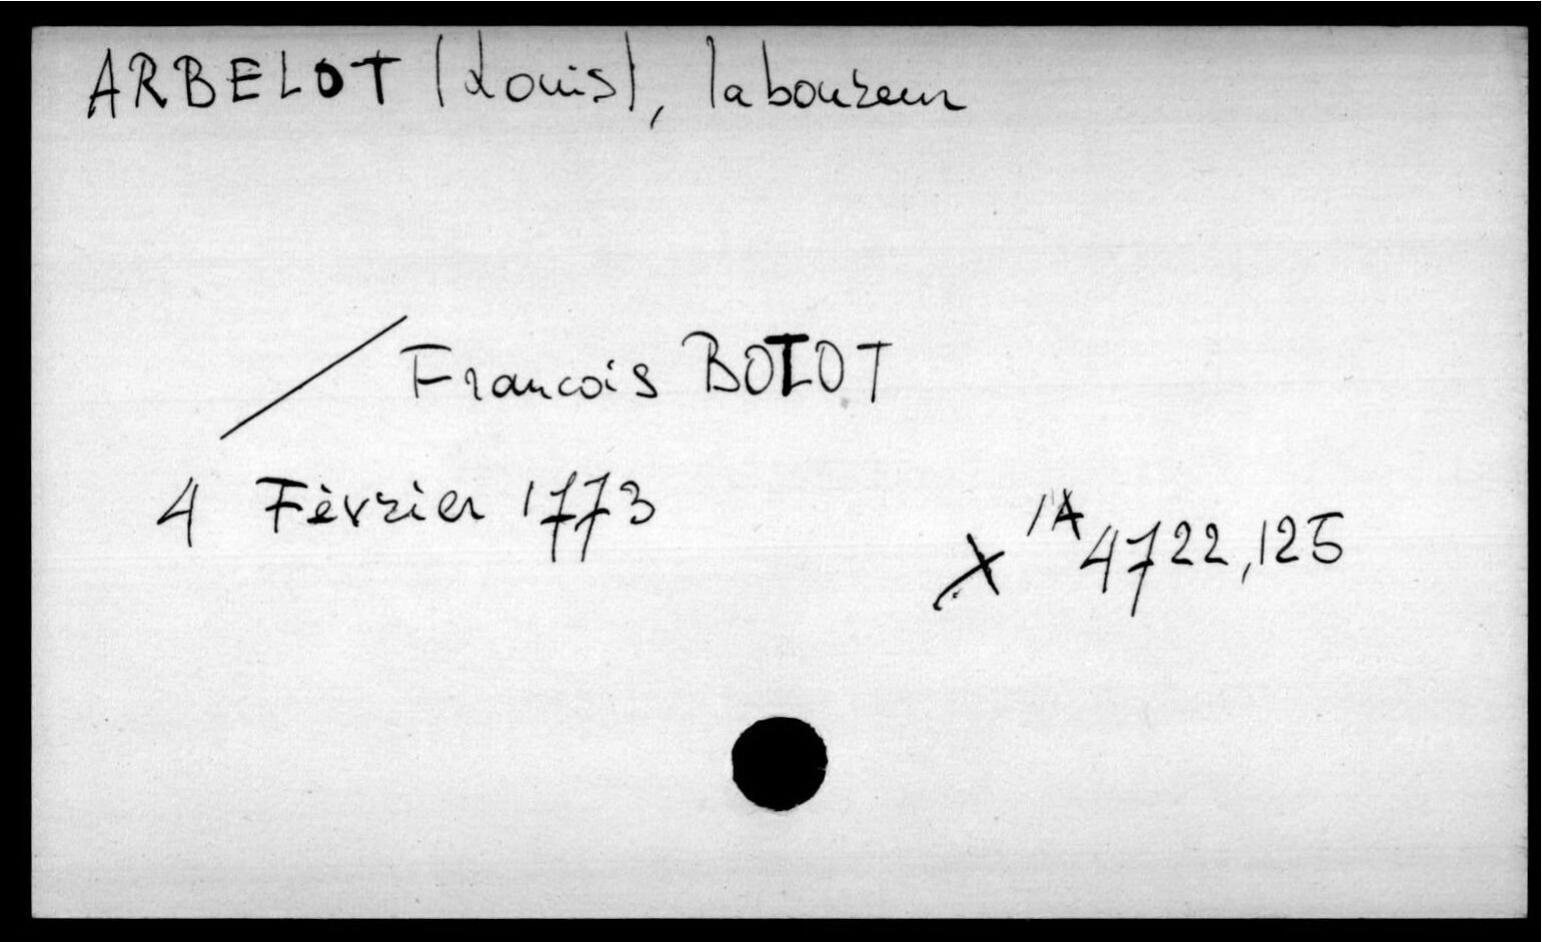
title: ARBELOT (Louis), laboureur
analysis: Contre François BOTOT
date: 4 février 1773
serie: X1A
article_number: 4722
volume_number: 125
